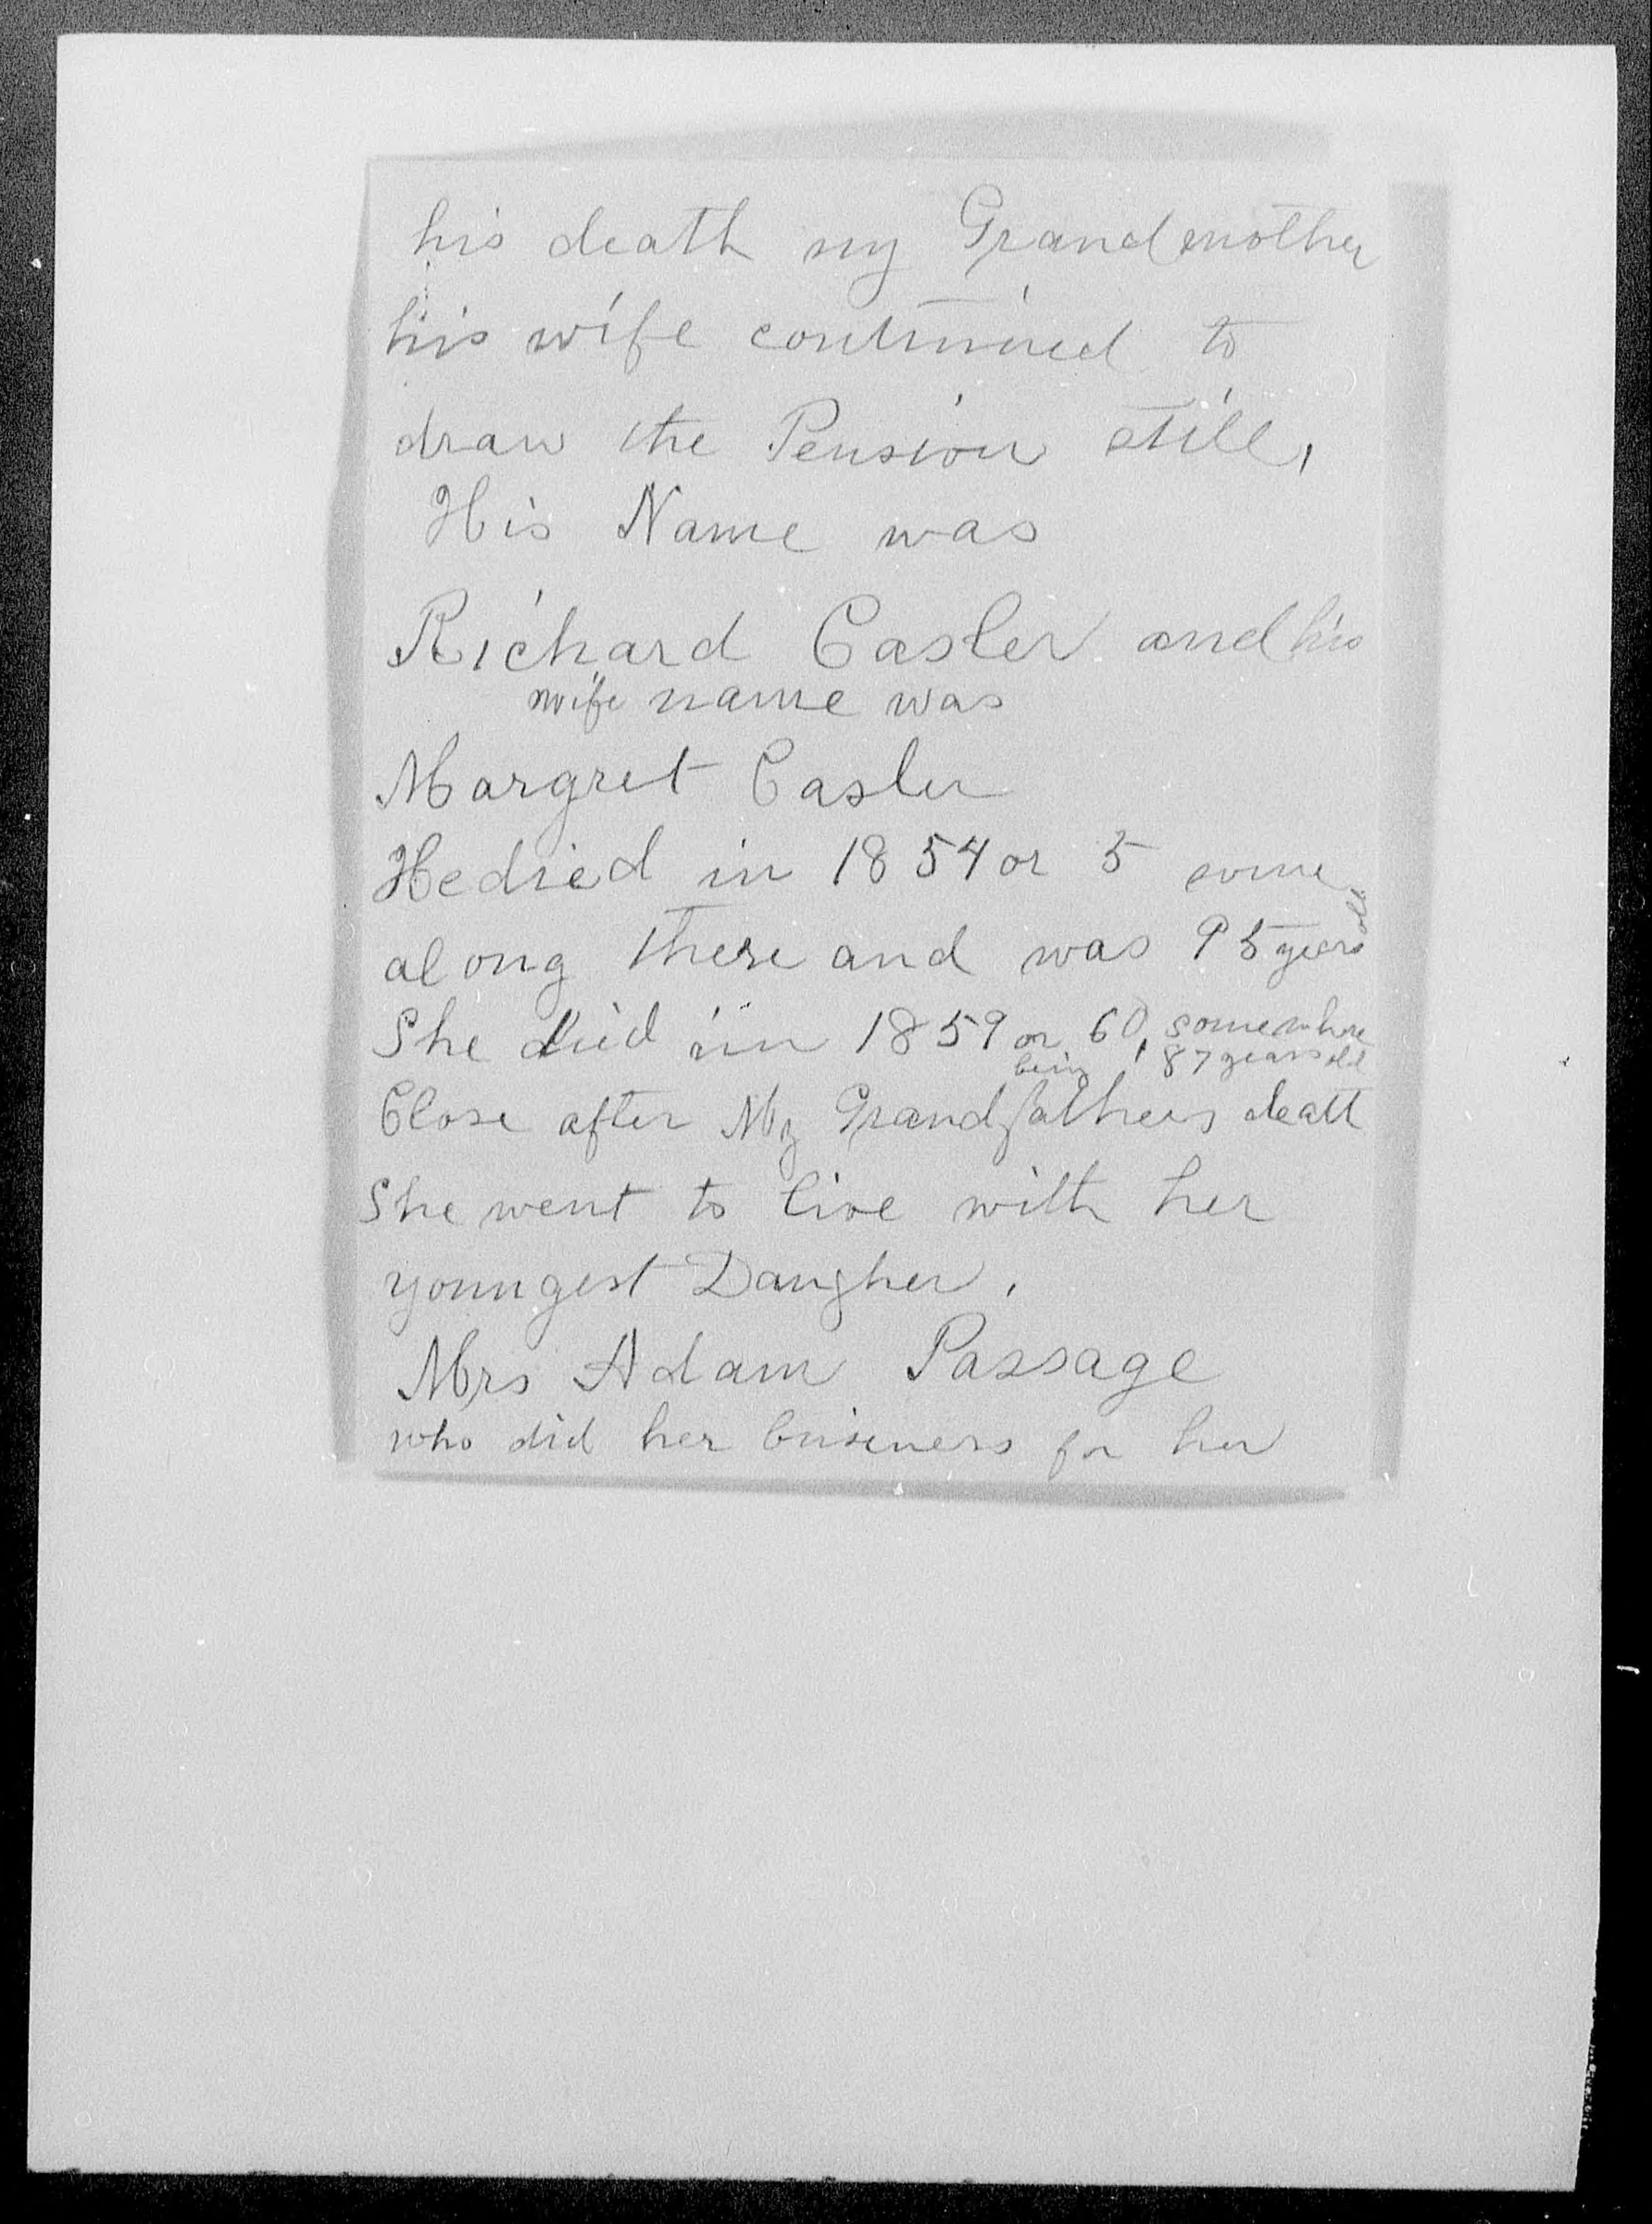his death my Grand mother his wife continued to draw the Pension still, 
His name was 
Richard Casler and his wife name was Margret Casler 
He died in 1854 or 5 some along there and was 95 years She died in 1859 or 60 being somewhere 87 years old
Close after My Grandfathers death she went to live with her youngest Daugher.
Mrs Adam Passage who did her business for her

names: Richard Casler, Adam Passage, Margret Casler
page: 59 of 66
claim: widow's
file: W. 6637, Richard Caslar, New York